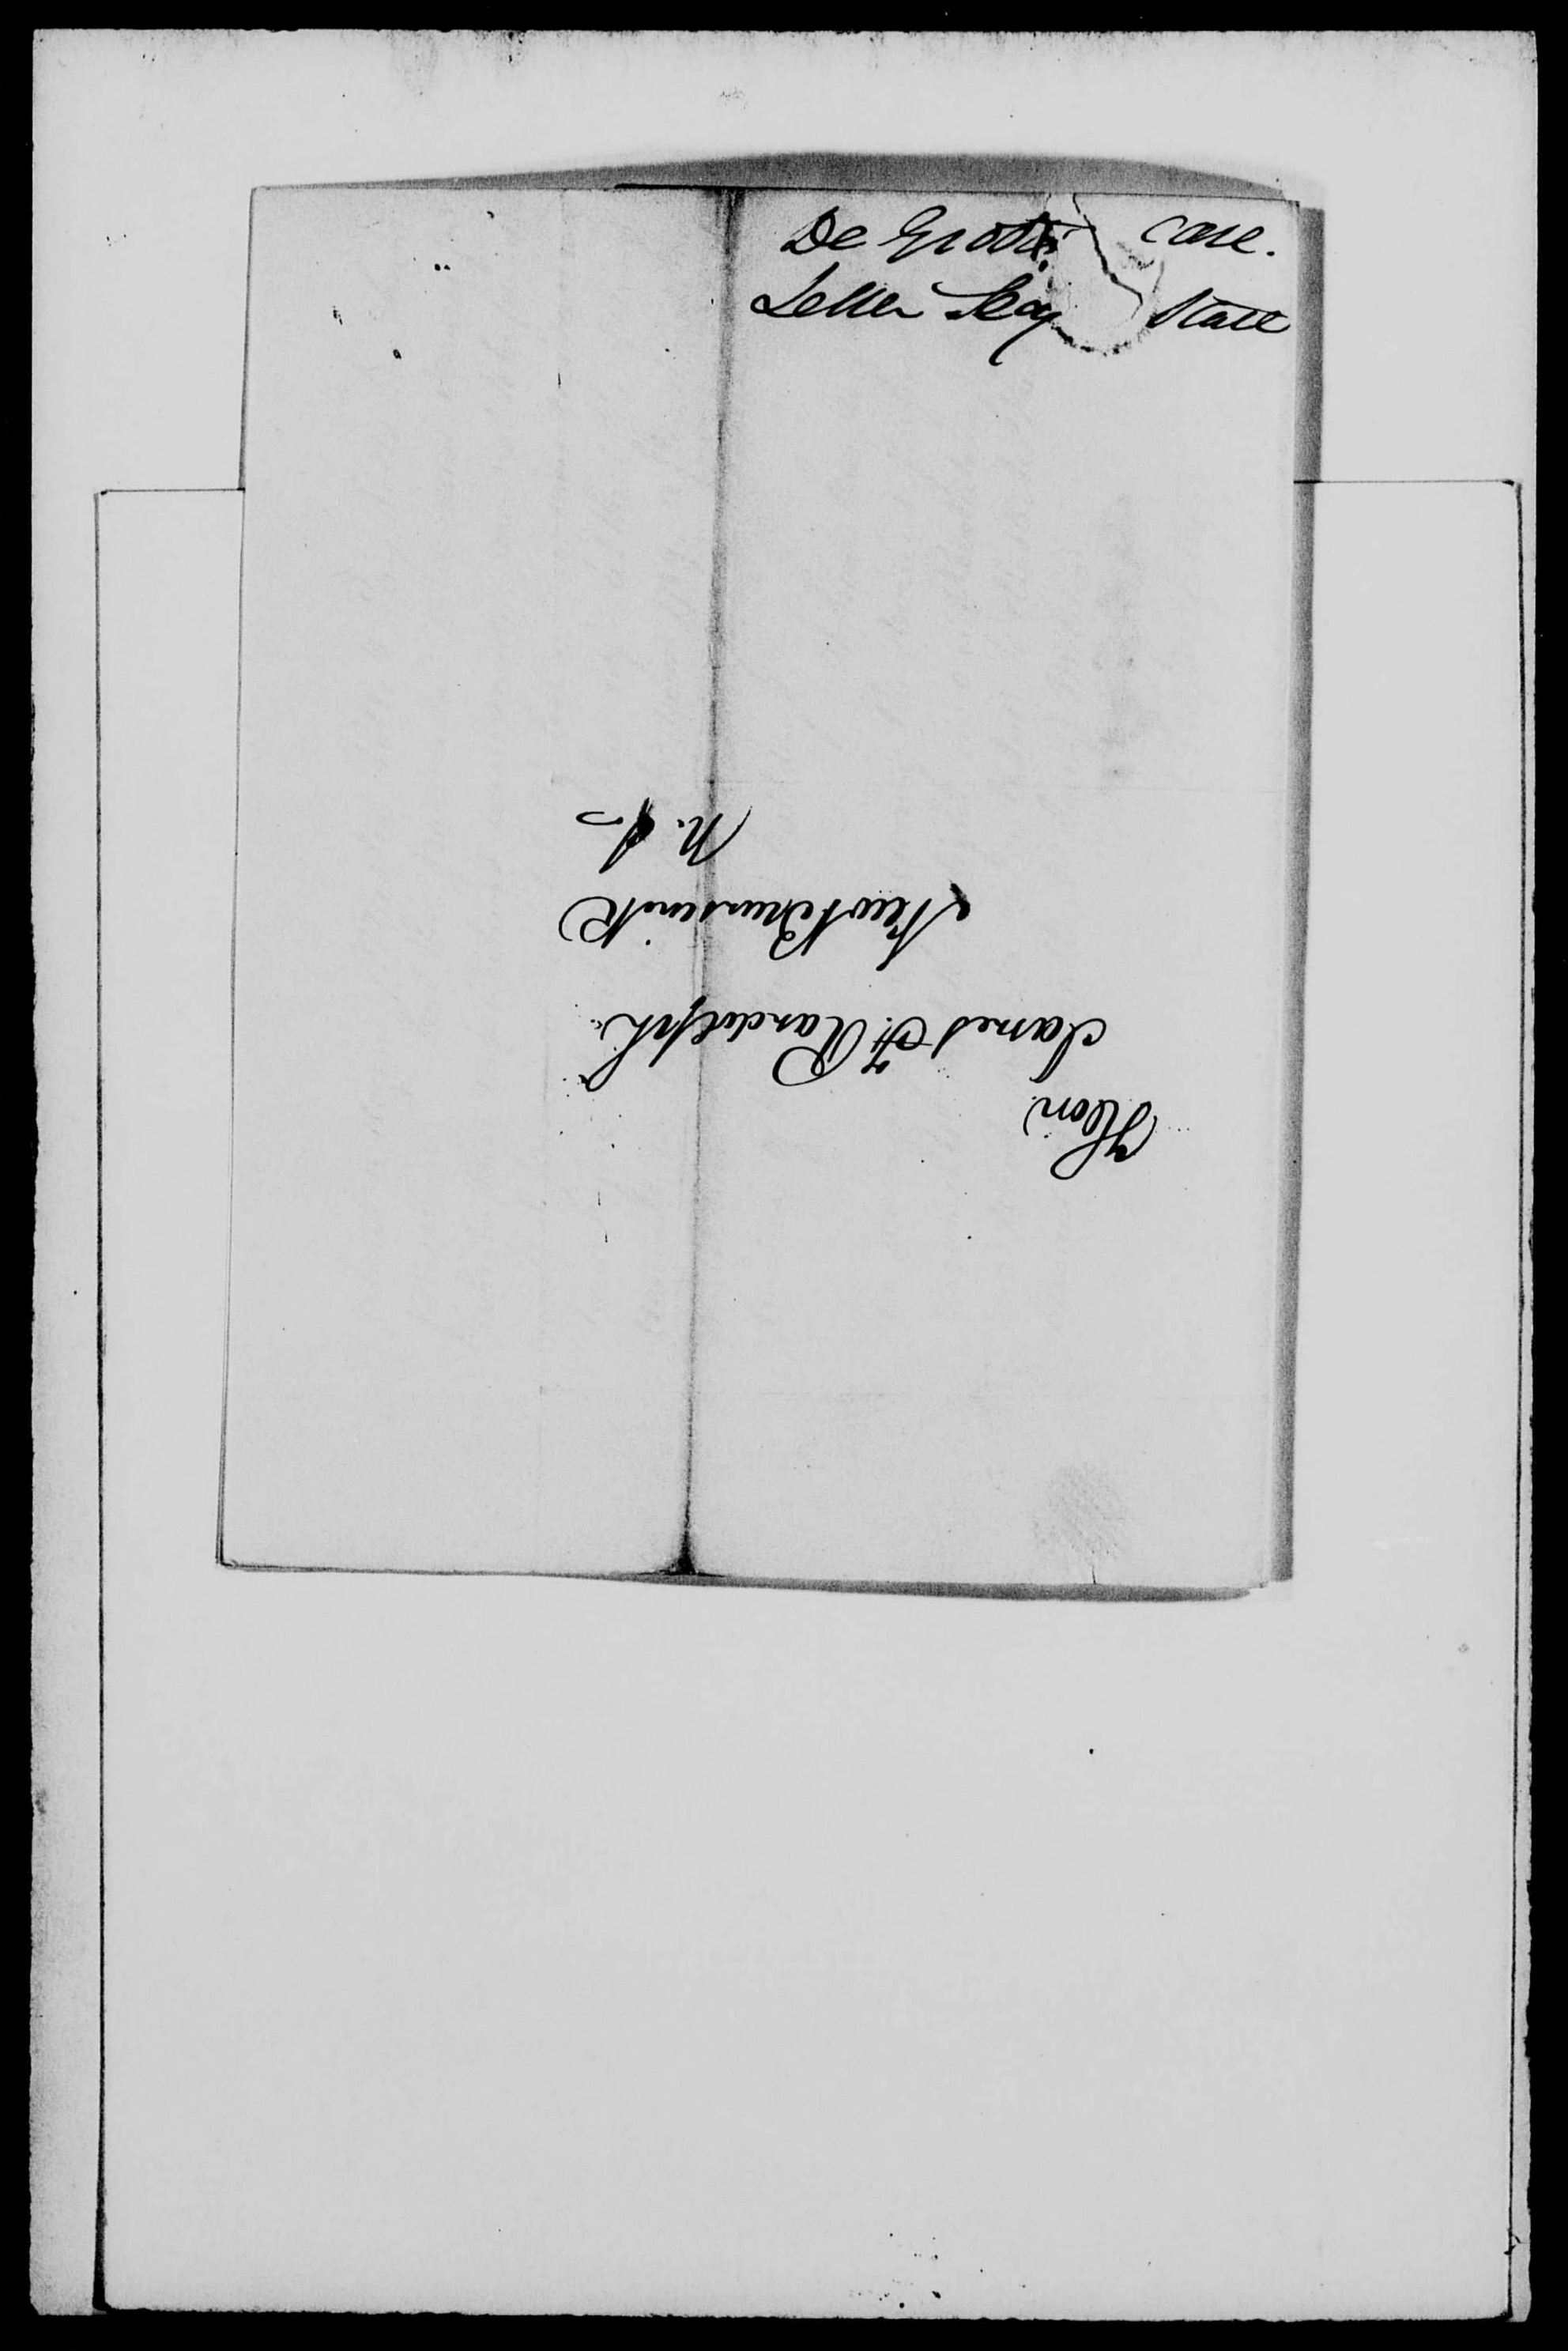De Groot case. 
Letter Secy State
Hon. James F Randolph
New Brunswick N J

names: De Groot, James F Randolph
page: 30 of 77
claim: widow's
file: W. 417, William De Groot, New Jersey